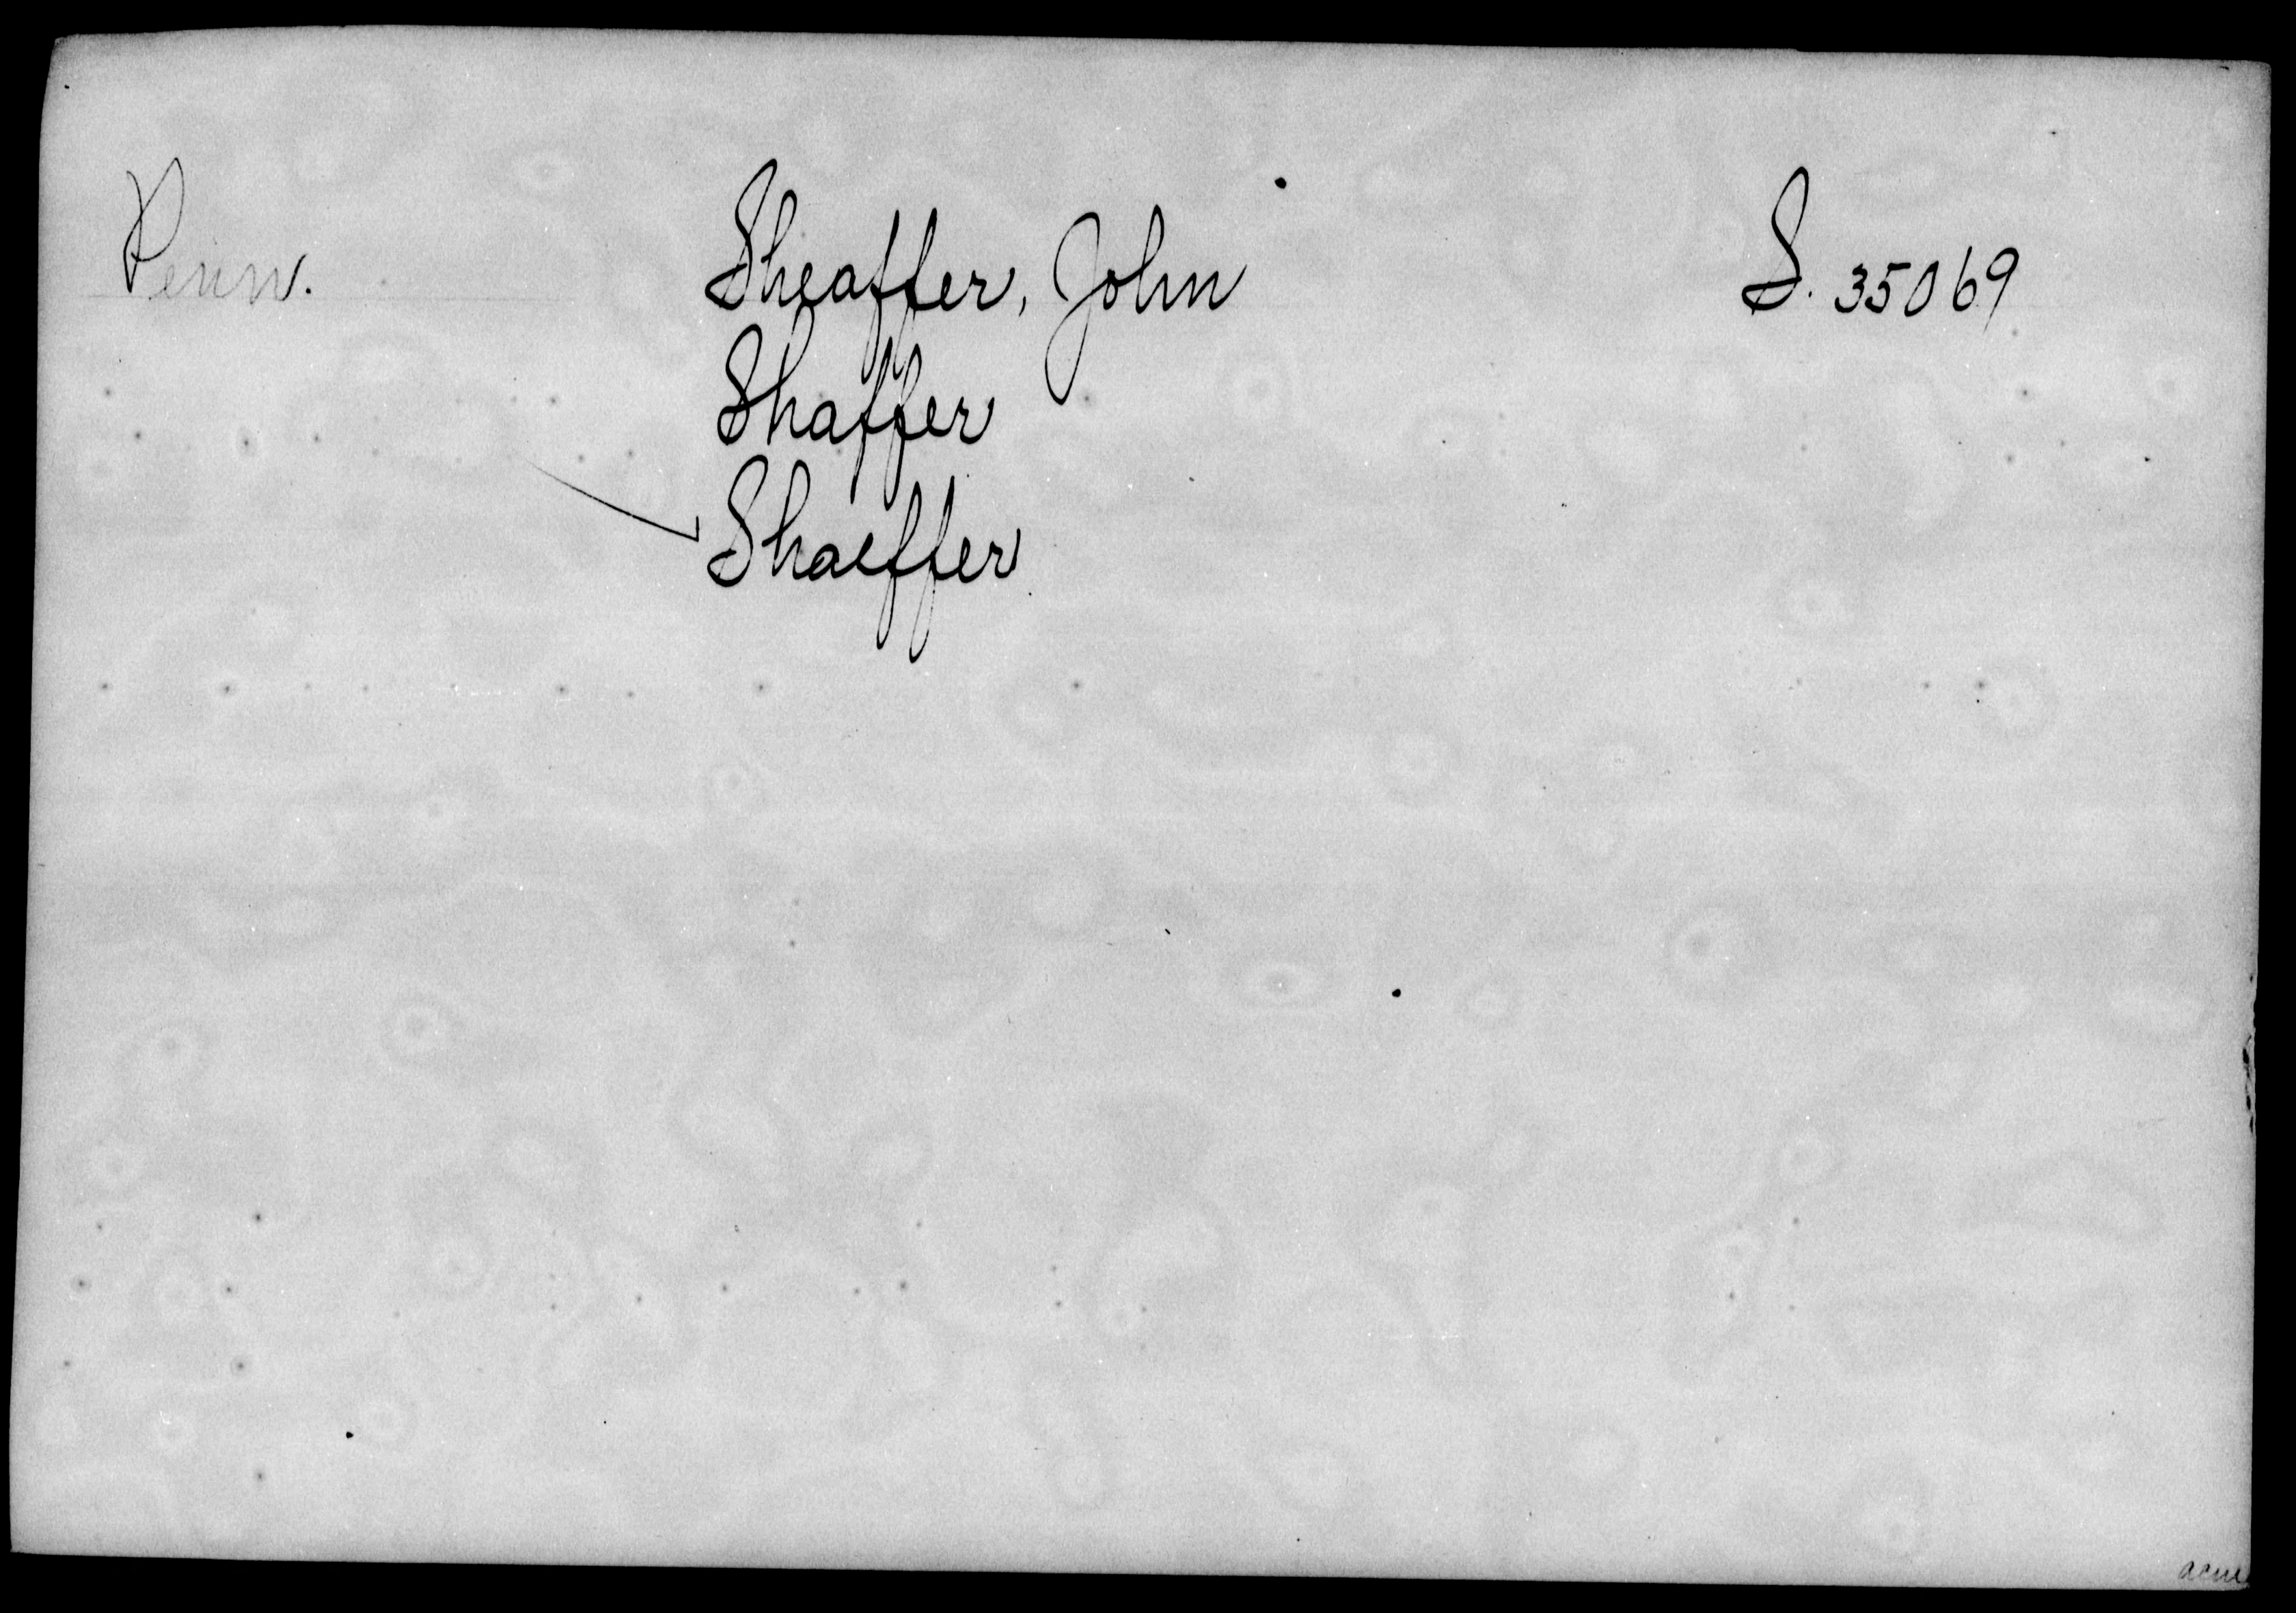Penn               Sheaffer, John        S35069
                        Shaffer
                        Shaeffer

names: John Shaffer; John Shaeffer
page: 1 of 1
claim: survivor's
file: S. 35069, for John Sheaffer, Pennsylvania